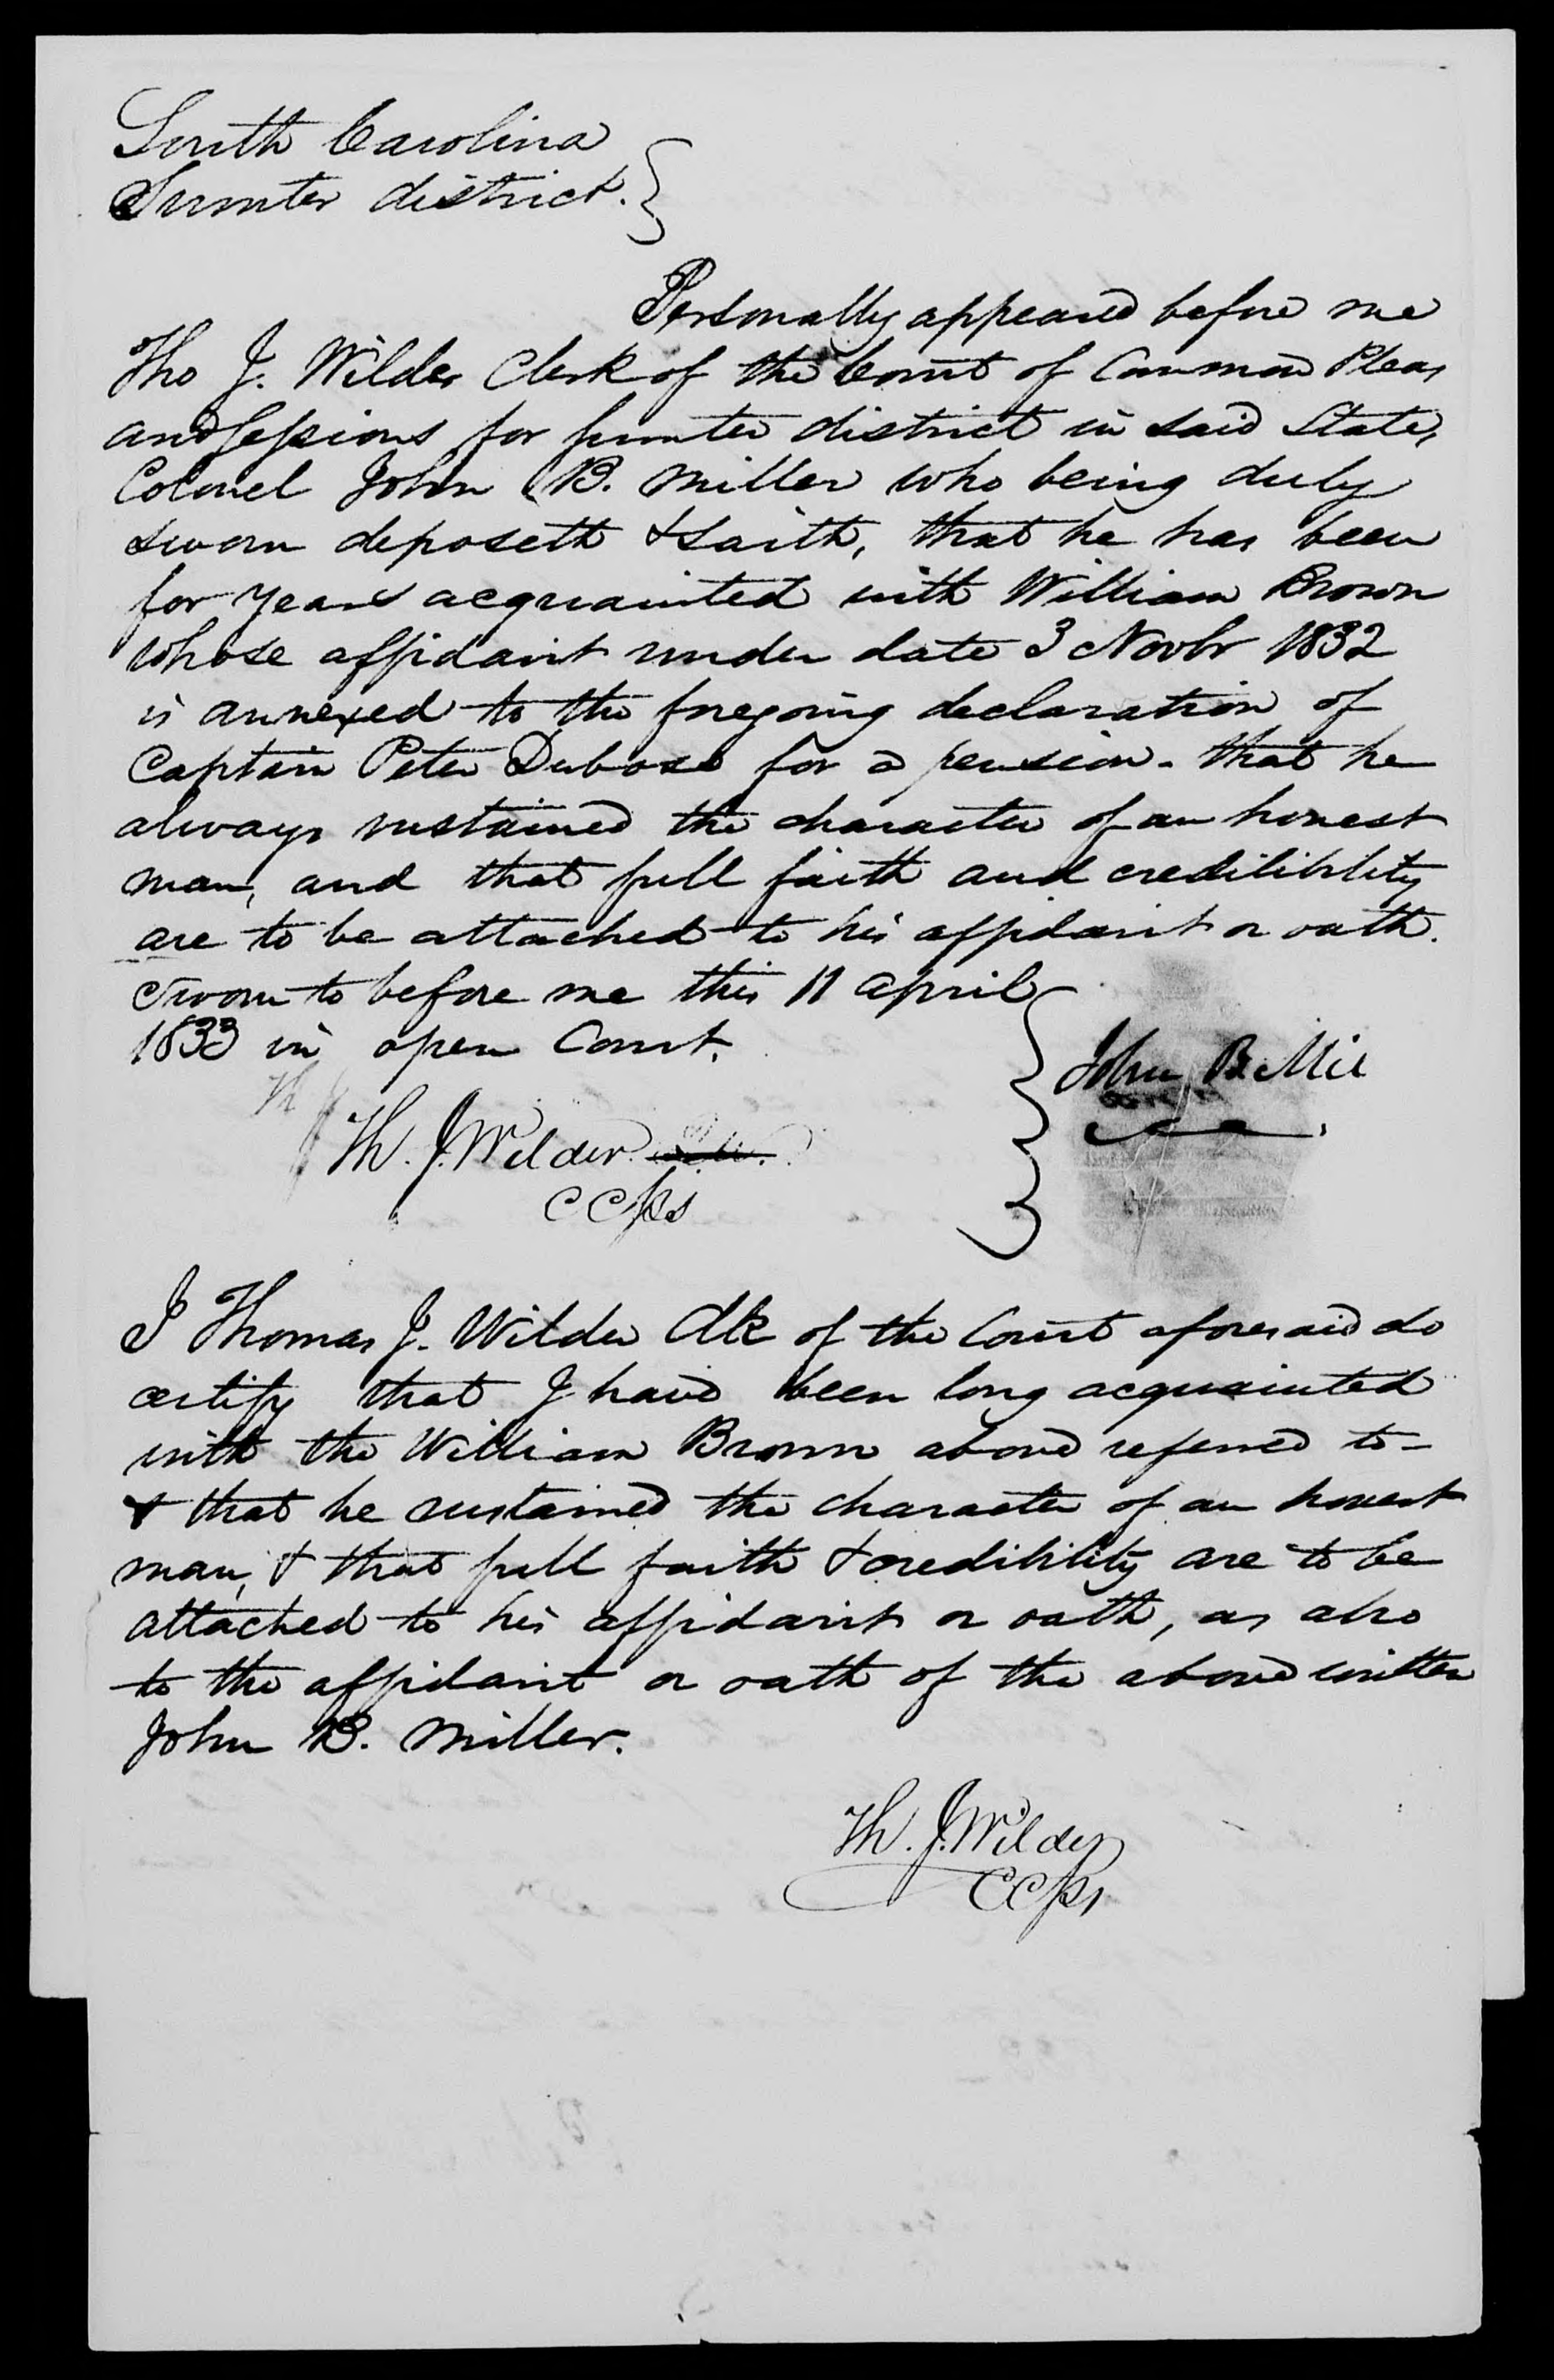[ South Carolina Sumter District [ Personally appeared before me  Tho J. Wilder  clerk of the Court of Common Pleas and Sessions  for Sumter District in said State Colonel John B. Miller , who being duly sworn deposeth  & saith that he has been for  years acquainted with  William Brown  whose affidavit under date 3 Nov. 1832 is annexed to the foregoing  declaration of Captain Peter Dubose for a pension, that he always sustained the character of an honest man , and that full faith and credibility are to be attached to his affidavit on oath . Sworn to  before me this 11 April 1833 in open Court. John B Miller ( signed ) Th. J. Wilder ( signed ) CCPs  I, Thomas J. Wilder clk of the  Court aforesaid do certify that I have been long acquainted with the William Brown above referred to  & that he sustained the character of an honest man  & that full faith  & credibility are to be attached to his affidavit  on oath , as  also  to the affidavit  on oath of the above  written John B. Miller.  Th. J. Wilder ( signed ) CCPs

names: Peter Dubose, John B Miller, Th J Wilder, William Brown, Th J Wilder, John Bettie, Tho J Wilder, Thomas J Wilder, William Brown, John B Miller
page: 18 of 43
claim: survivor's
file: S. 21163, Peter Dubose, S.C.